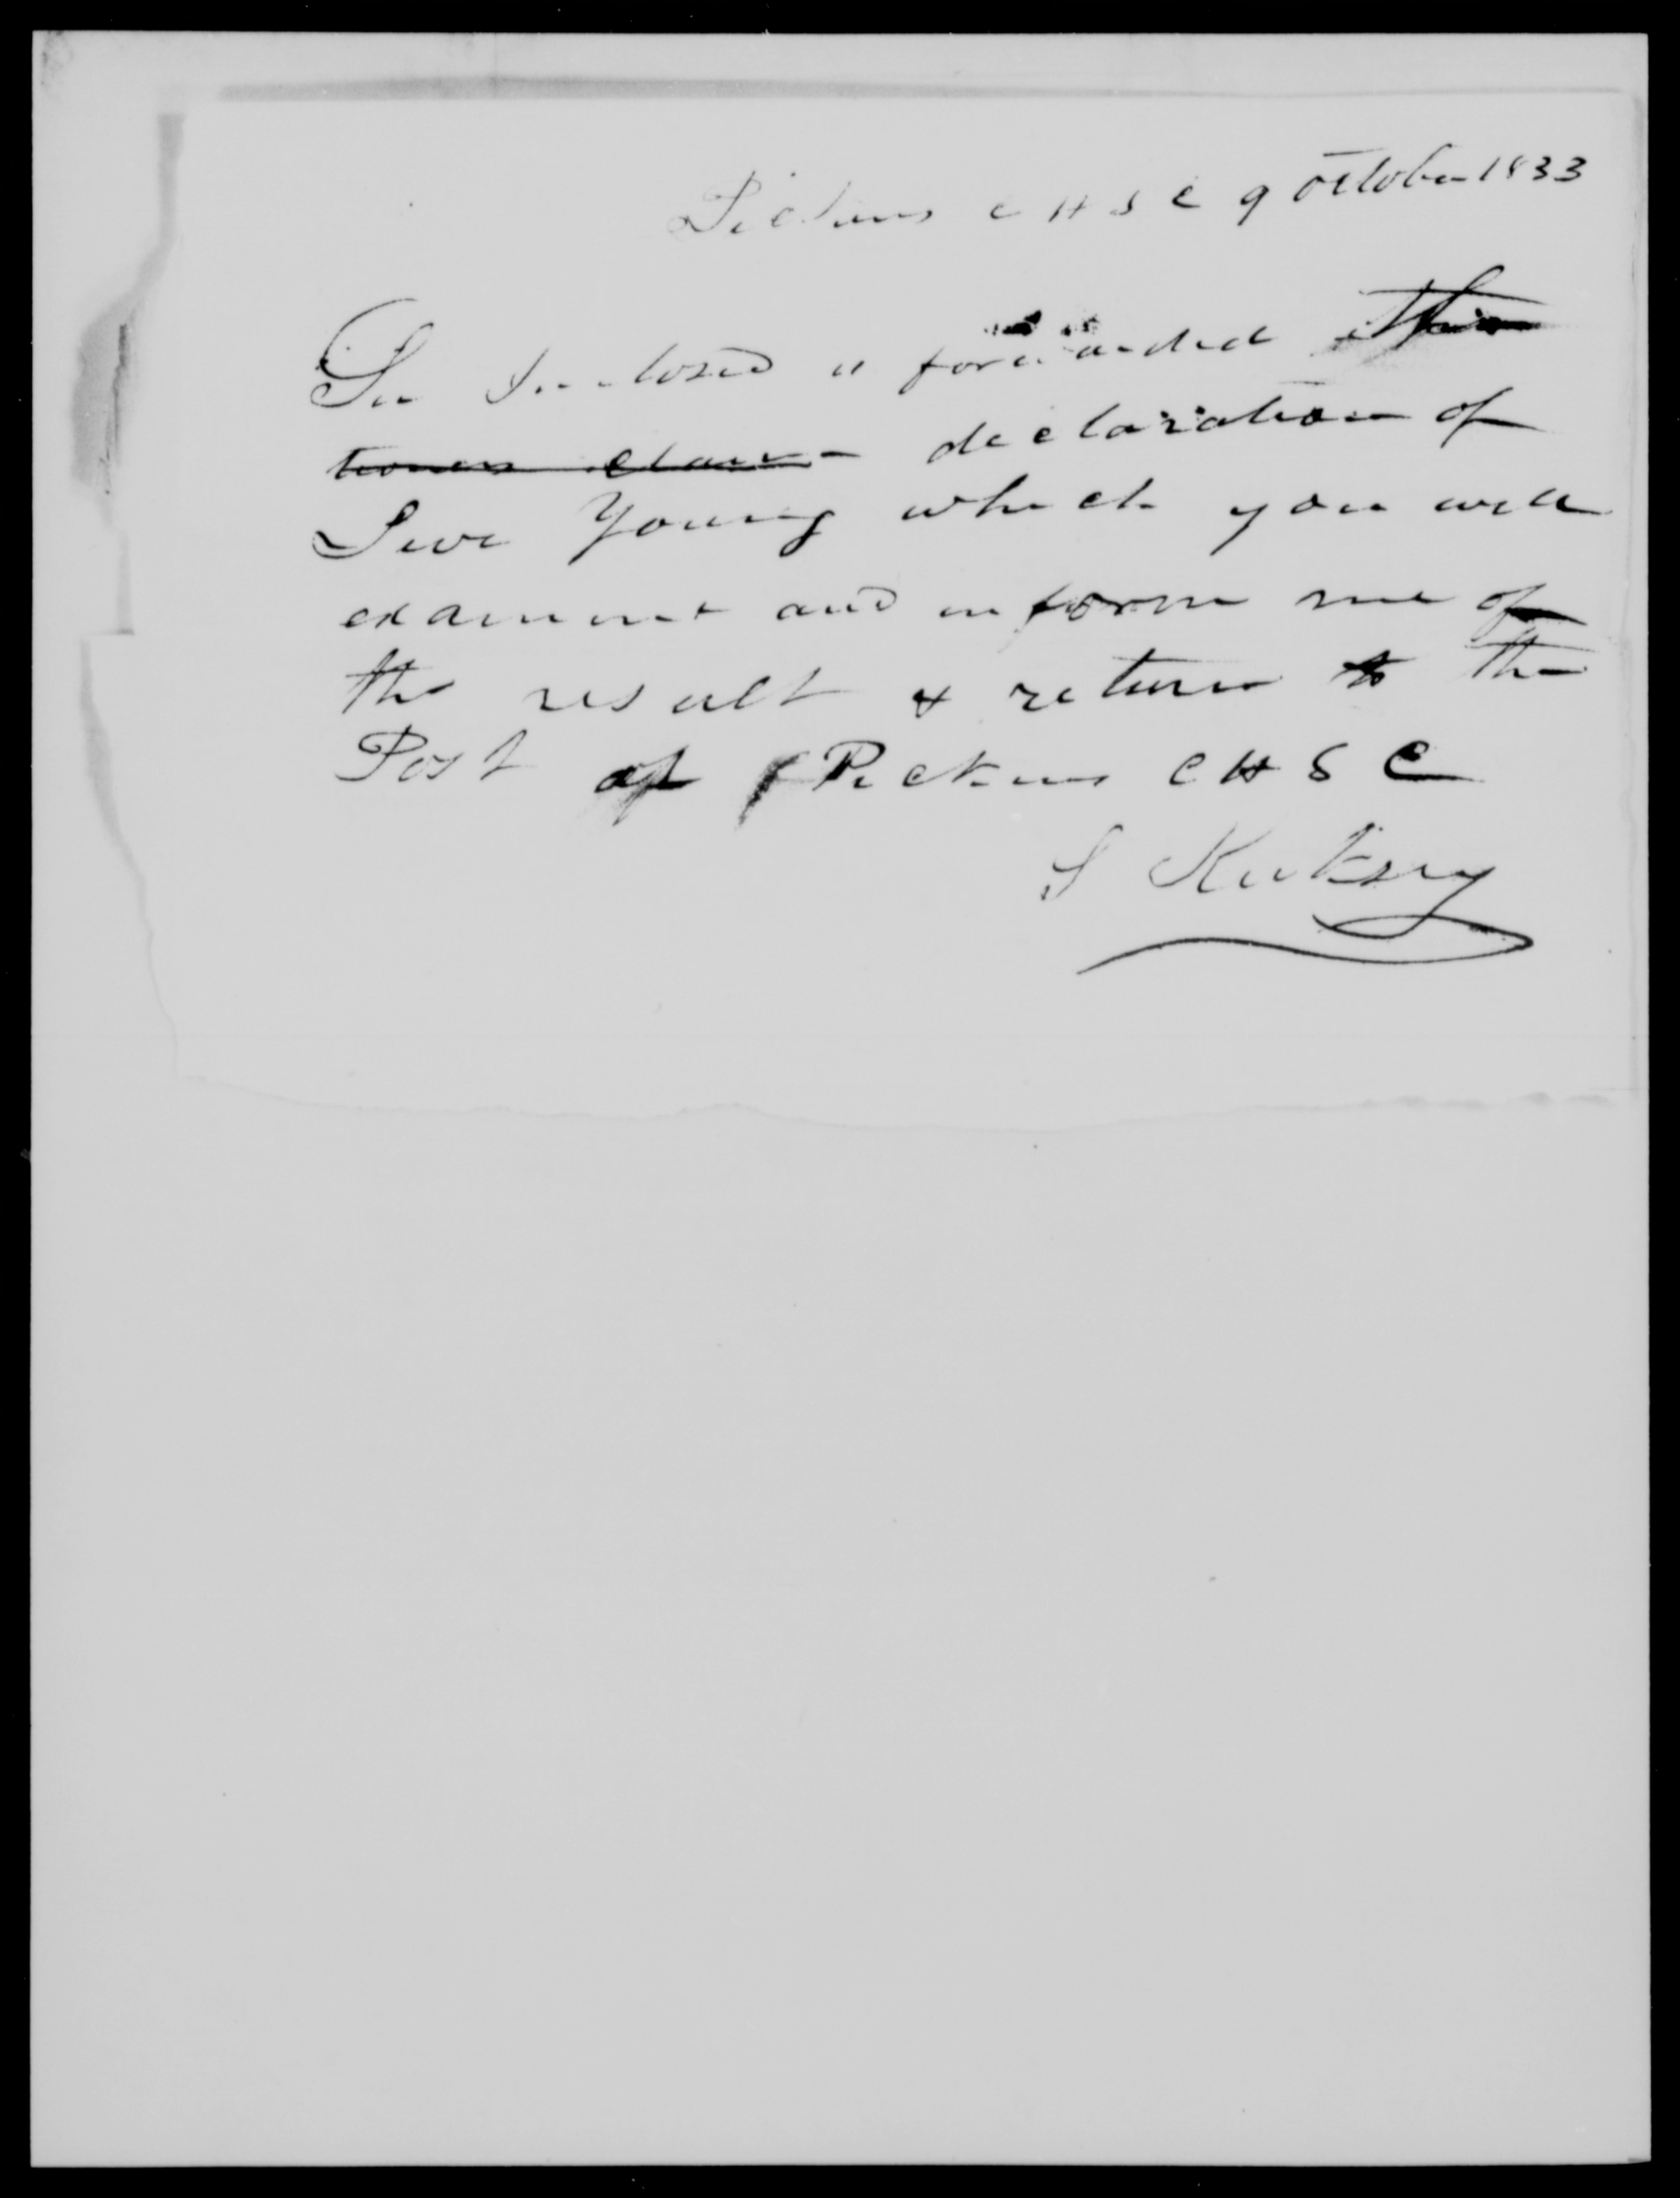Pickens CHSC [Court House South Carolina] 9 October 1833

Sir inclosed (sic enclosed) is forwarded (text crossed out)
(text crossed out) declaration of
Levi Young which you will
examine and inform me of
the result + return to the
Post
at Pickens CHSC [Court House South Carolina]
S. (last name not decipherable)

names: Levi Young, S Kuksey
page: 40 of 56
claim: widow's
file: W. 9040, Levi Young, Ga. New Jersey S.C.